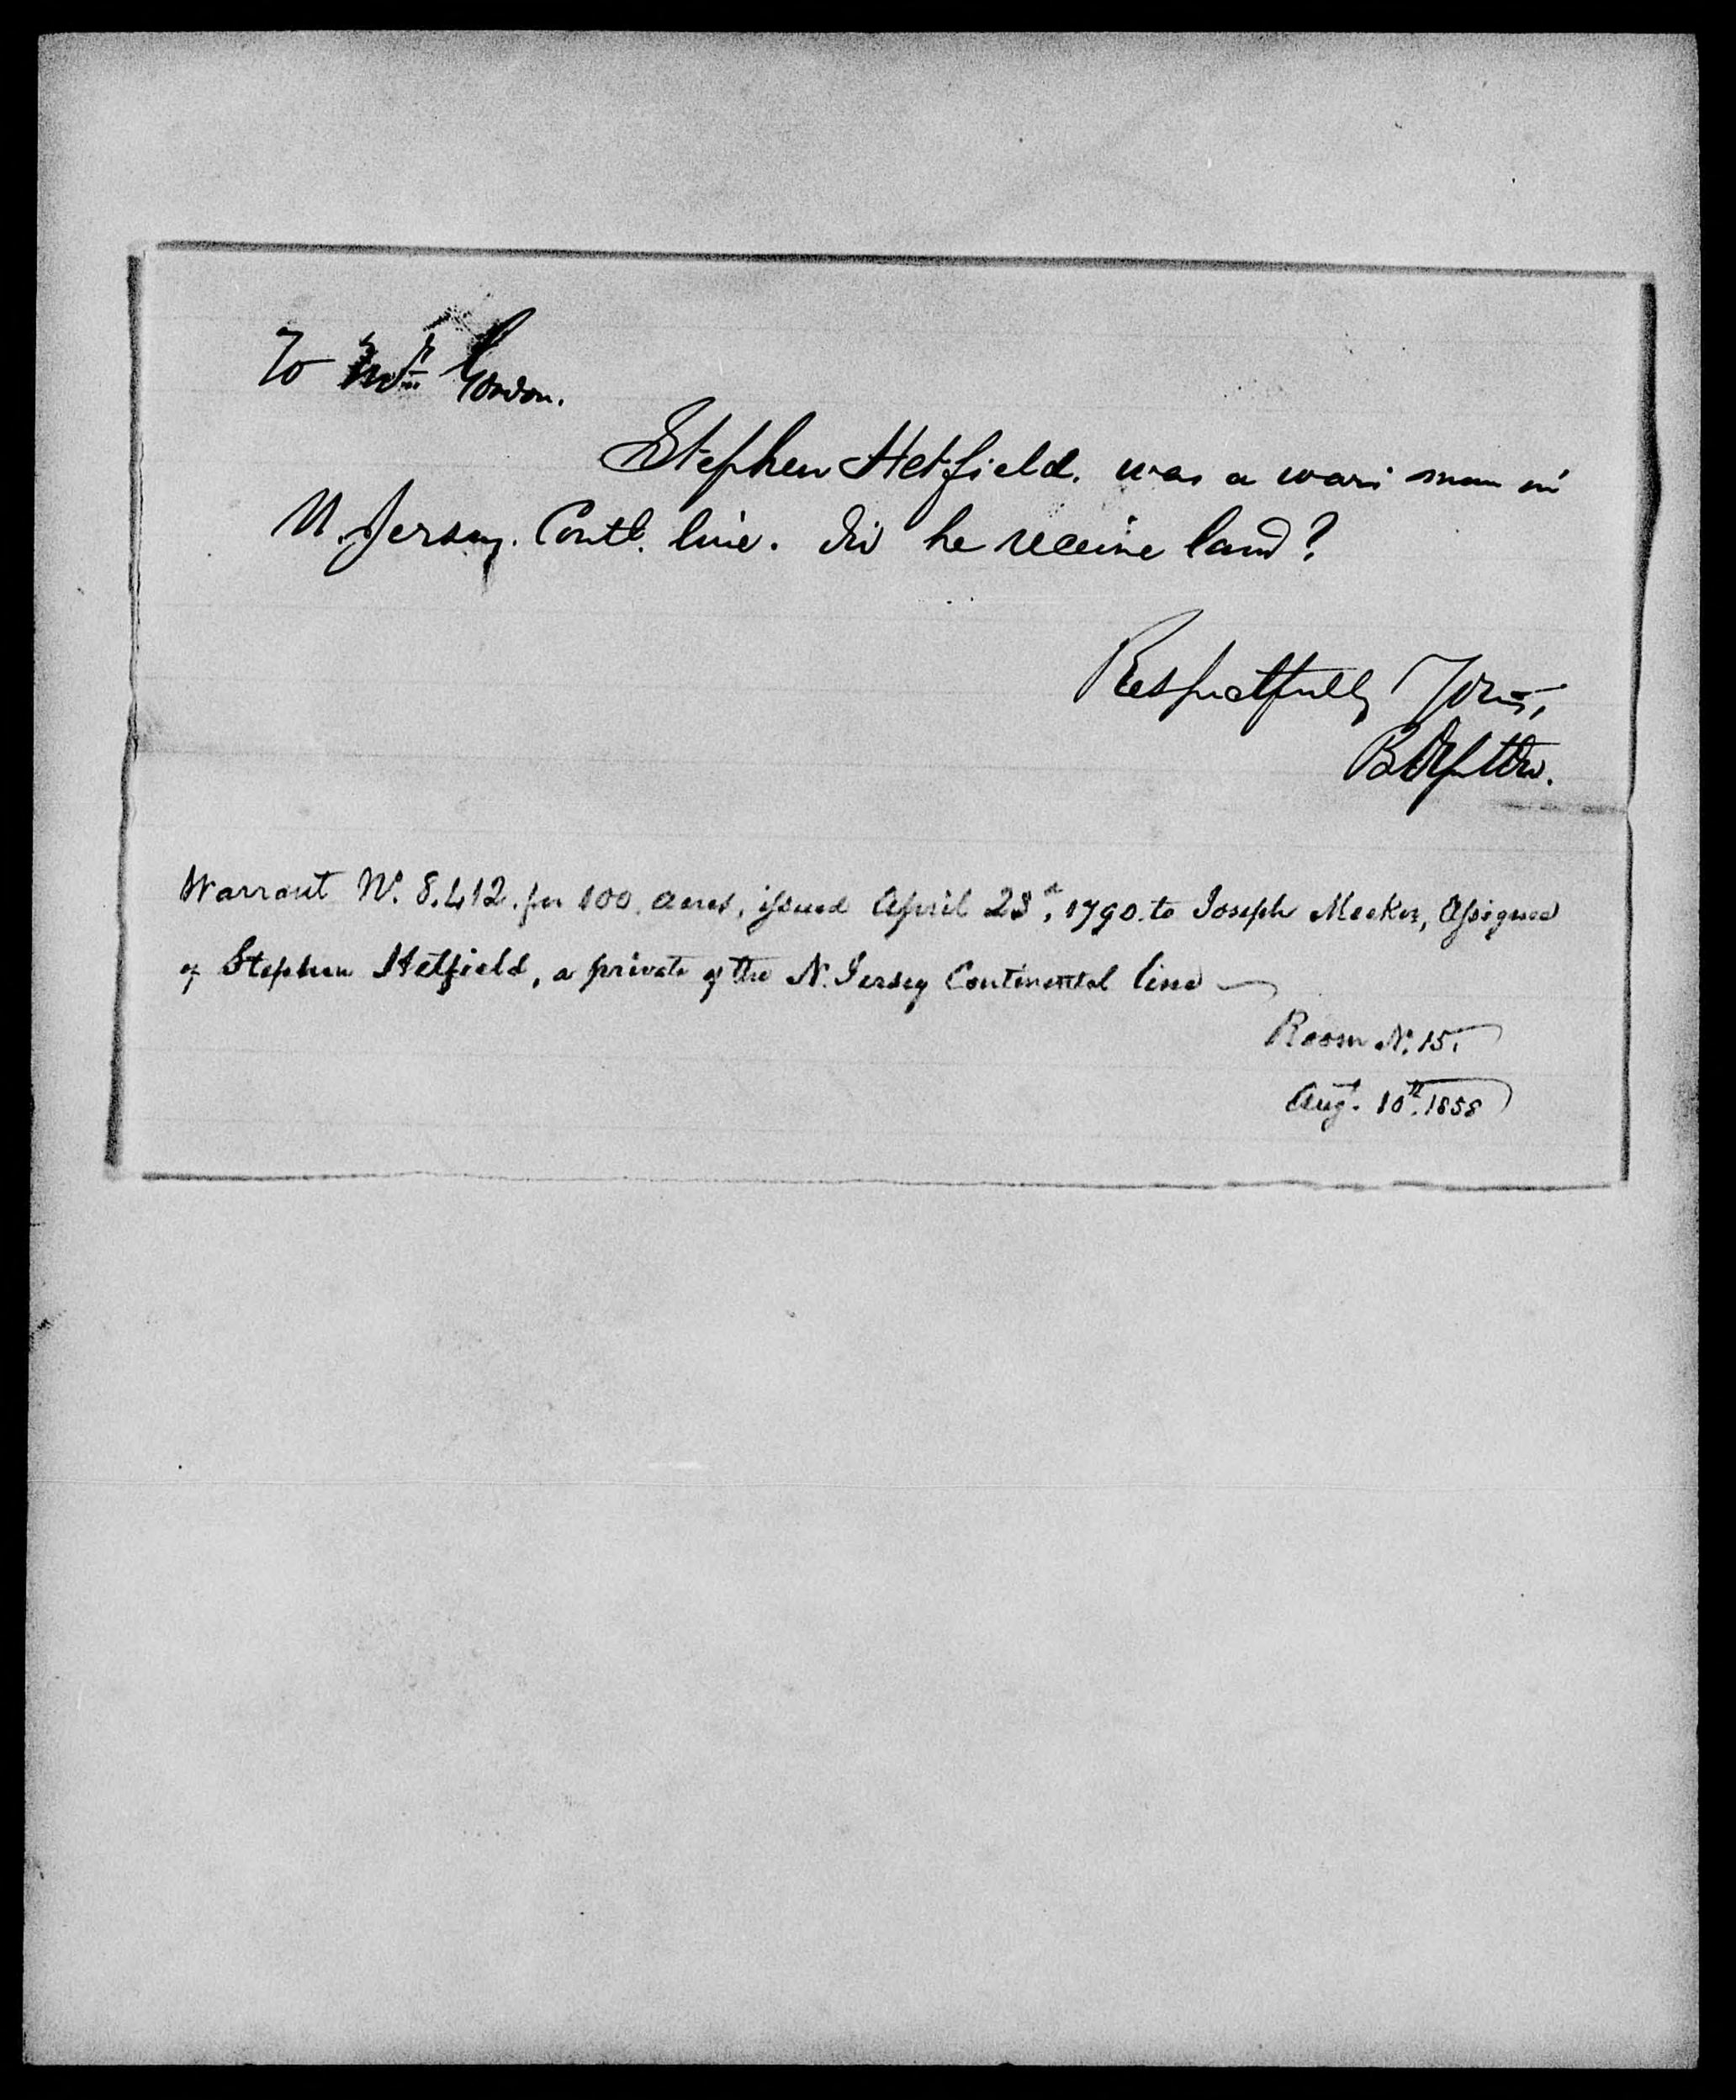To Mr Gordon,

Stephen Hetfield was a war [illegible] in
N Jersey Contl. line. Did he receive land?

Respectfully [illegible, but think it is "yours"],
Boynton

Warrant W.8.412. for 100 acres, issued April 23rd, 1790 to Joseph Meeker, assignee
of Stephen Hetfield, a private of the N. Jersey Continental line

R[illegible] N. 15.
Augt. 10th. 1858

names: Gordon, Stephen Hetfield, Joseph Meeker, Boynton, Stephen Hetfield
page: 28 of 45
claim: widow's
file: W. 2734, Stephen Hetfield, New Jersey